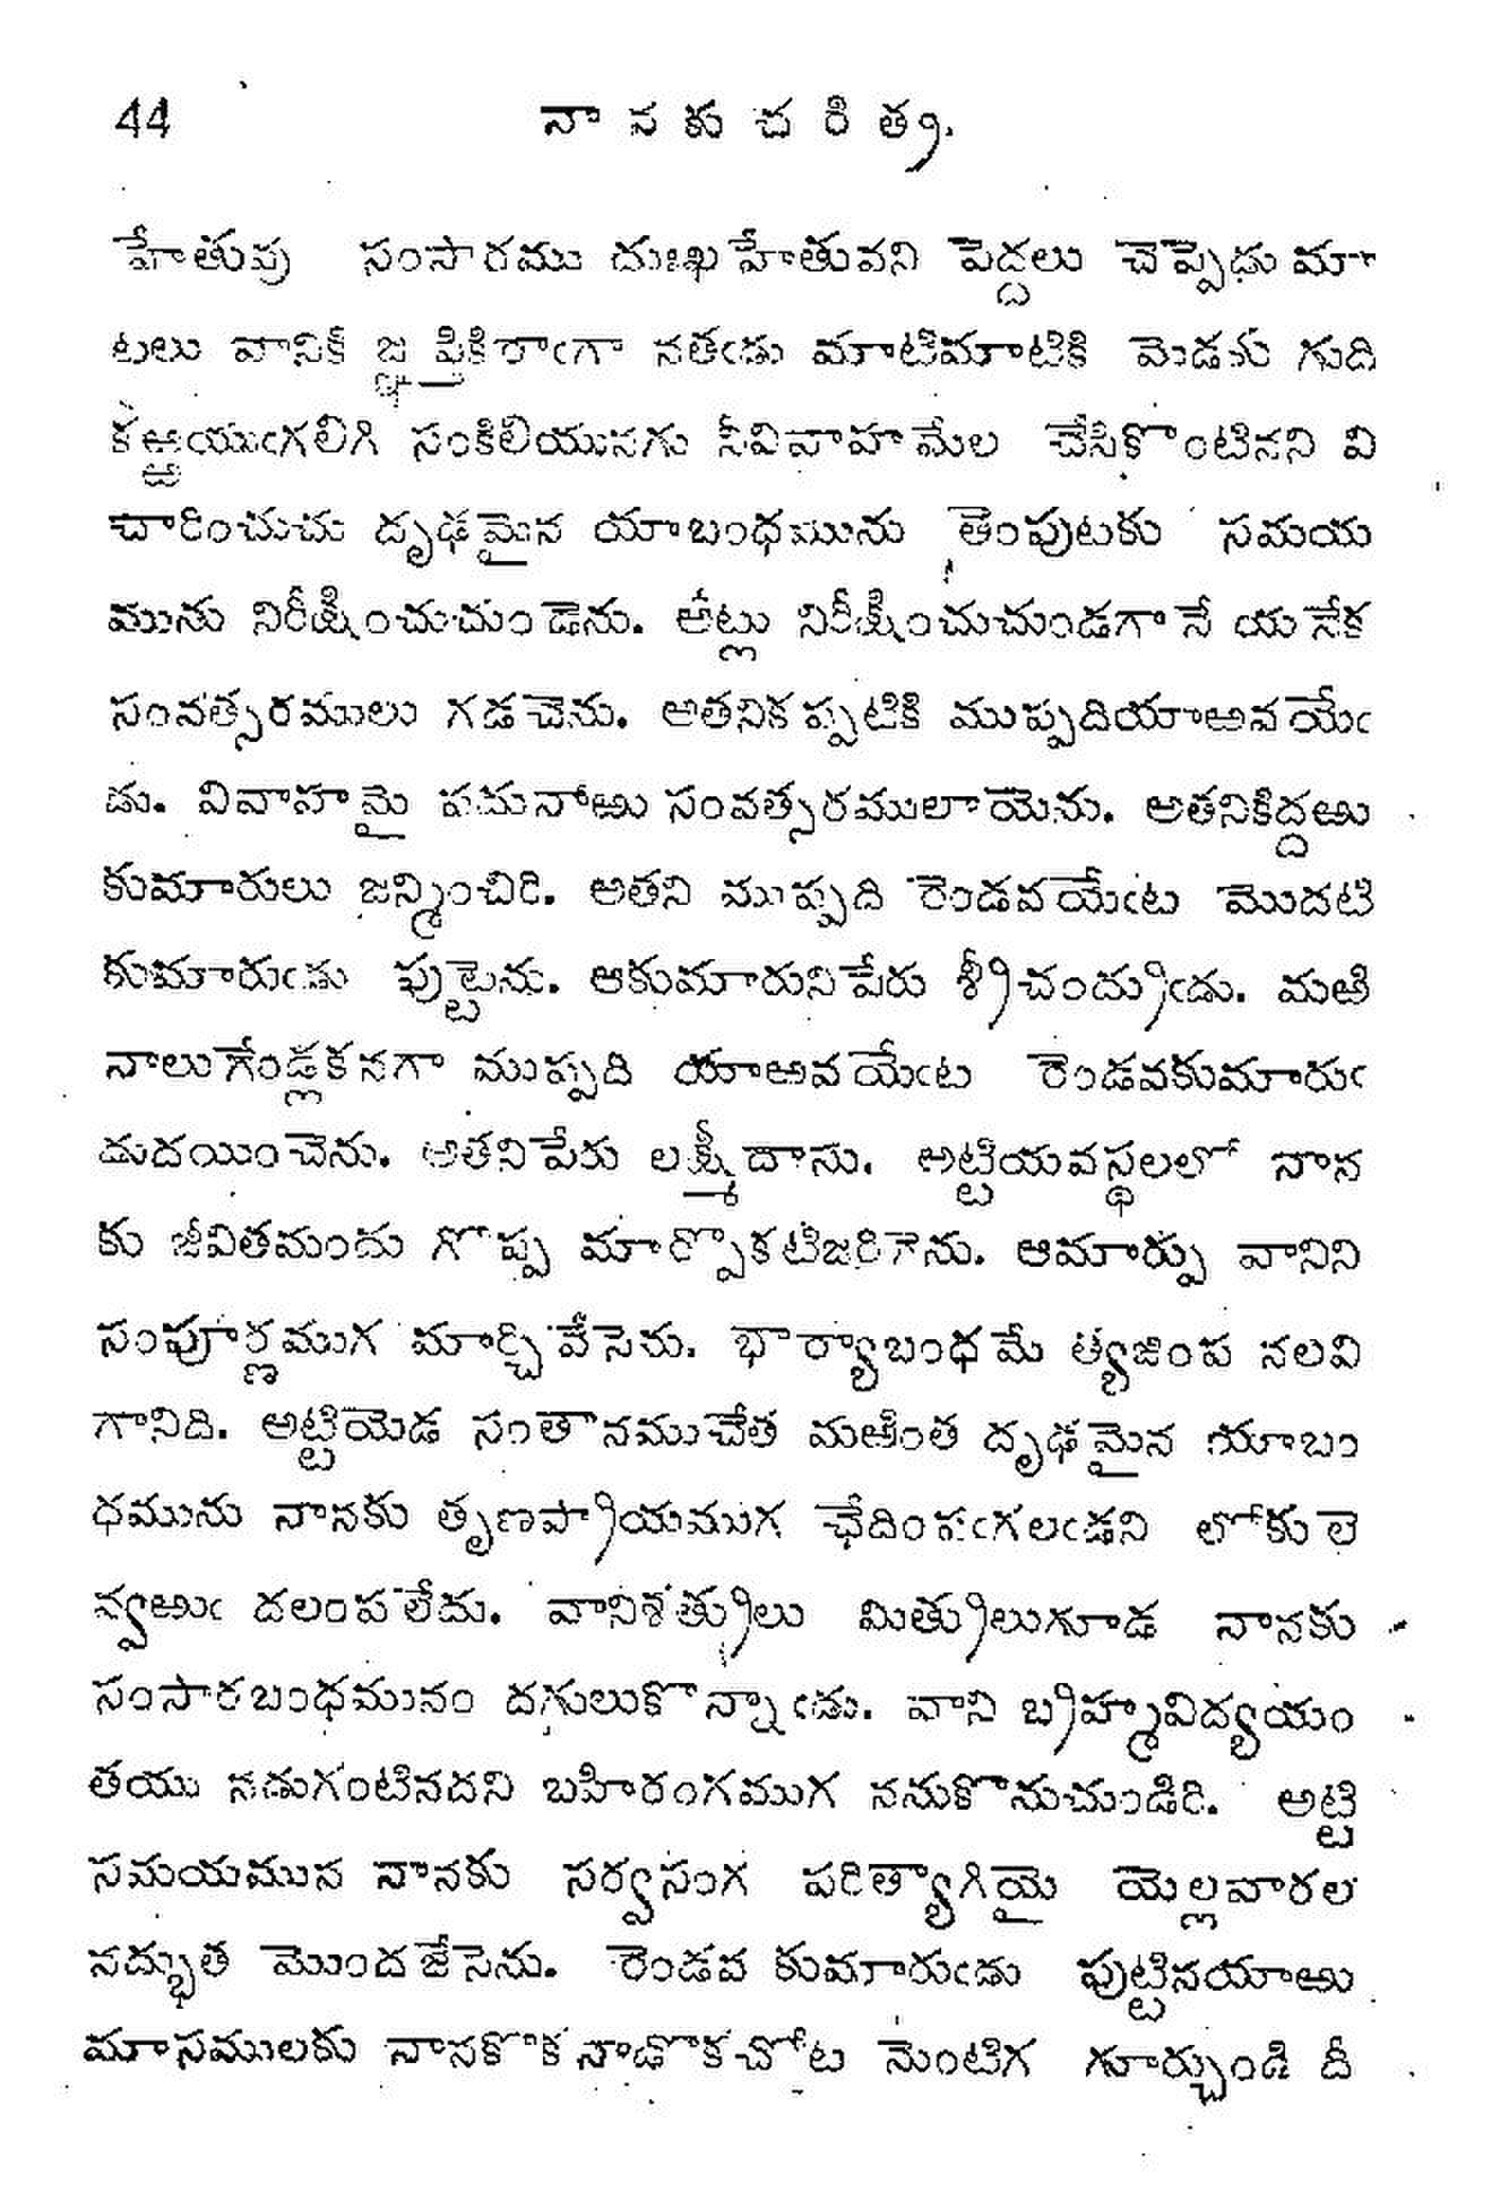హేతువు సంసారము దు:ఖహేతువని పెద్దలు చెప్పెడుమాటలు వానికి జ్ఞప్తికిరాగా నతడు మాటిమాటికి మెడకు గుదికఱ్ఱయుగలిగి సంకిలియునగు నీవివాహమేల చేసికొంటినని విచారించుచు దృడమైన యాబంధమును తెంపుటకు సమయమును నిరీక్షించుచుండెను. అట్లు నిరీక్షించుచుండగానే యనేక సంవత్సరములు గడచెను. అతనికప్పటి ముప్పదియాఱవయేడు. వివాహమై పదునాఱు సంవత్సరములాయెను. అతనికిద్దఱు కుమారులు జన్మించిరి. అతని ముప్పది రెండవయేట మొదటి కుమారుడు పుట్టెను. ఆకుమారునిపేరు శ్రీచంద్రుడు. మఱి నాలుగేండ్లకనగా ముప్పది యాఱవయేట రెండవకుమారుడుదయించెను. అతనిపేరు లక్ష్మీదాసు. అట్టియవస్థలలో నానకు జీవితమందు గొప్ప మార్పొకటిజరిగెను. ఆమార్పు వానిని సంపూర్ణముగ మార్చివేసెను. భార్యాబంధమే త్యజింప నలవిగానిది. అట్టియెడ సంతానముచేత మఱింత దృడమైన యాబంధమును నానకు తృణప్రాయముగ ఛేదింపగలడని లోకులెవ్వఱు దలంపలేదు. వానిశత్రులు మిత్రులుగూడ నానకు సంసారబంధనం దగులుకొన్నాడు. వాని బ్రహ్మవిద్యయంతయు నడుగంటినదని బహిరంగముగ ననుకొనుచుండిరి. అట్టి సమయమున నానకు సర్వసంగ పరిత్యాగియై యెల్లవారల నద్భుత మొందజేసెను. రెండవ కుమారుడు పుట్టినయాఱు మాసములకు నానకొక నాడొకచోట నొంటిగ గూర్చుండి దీ